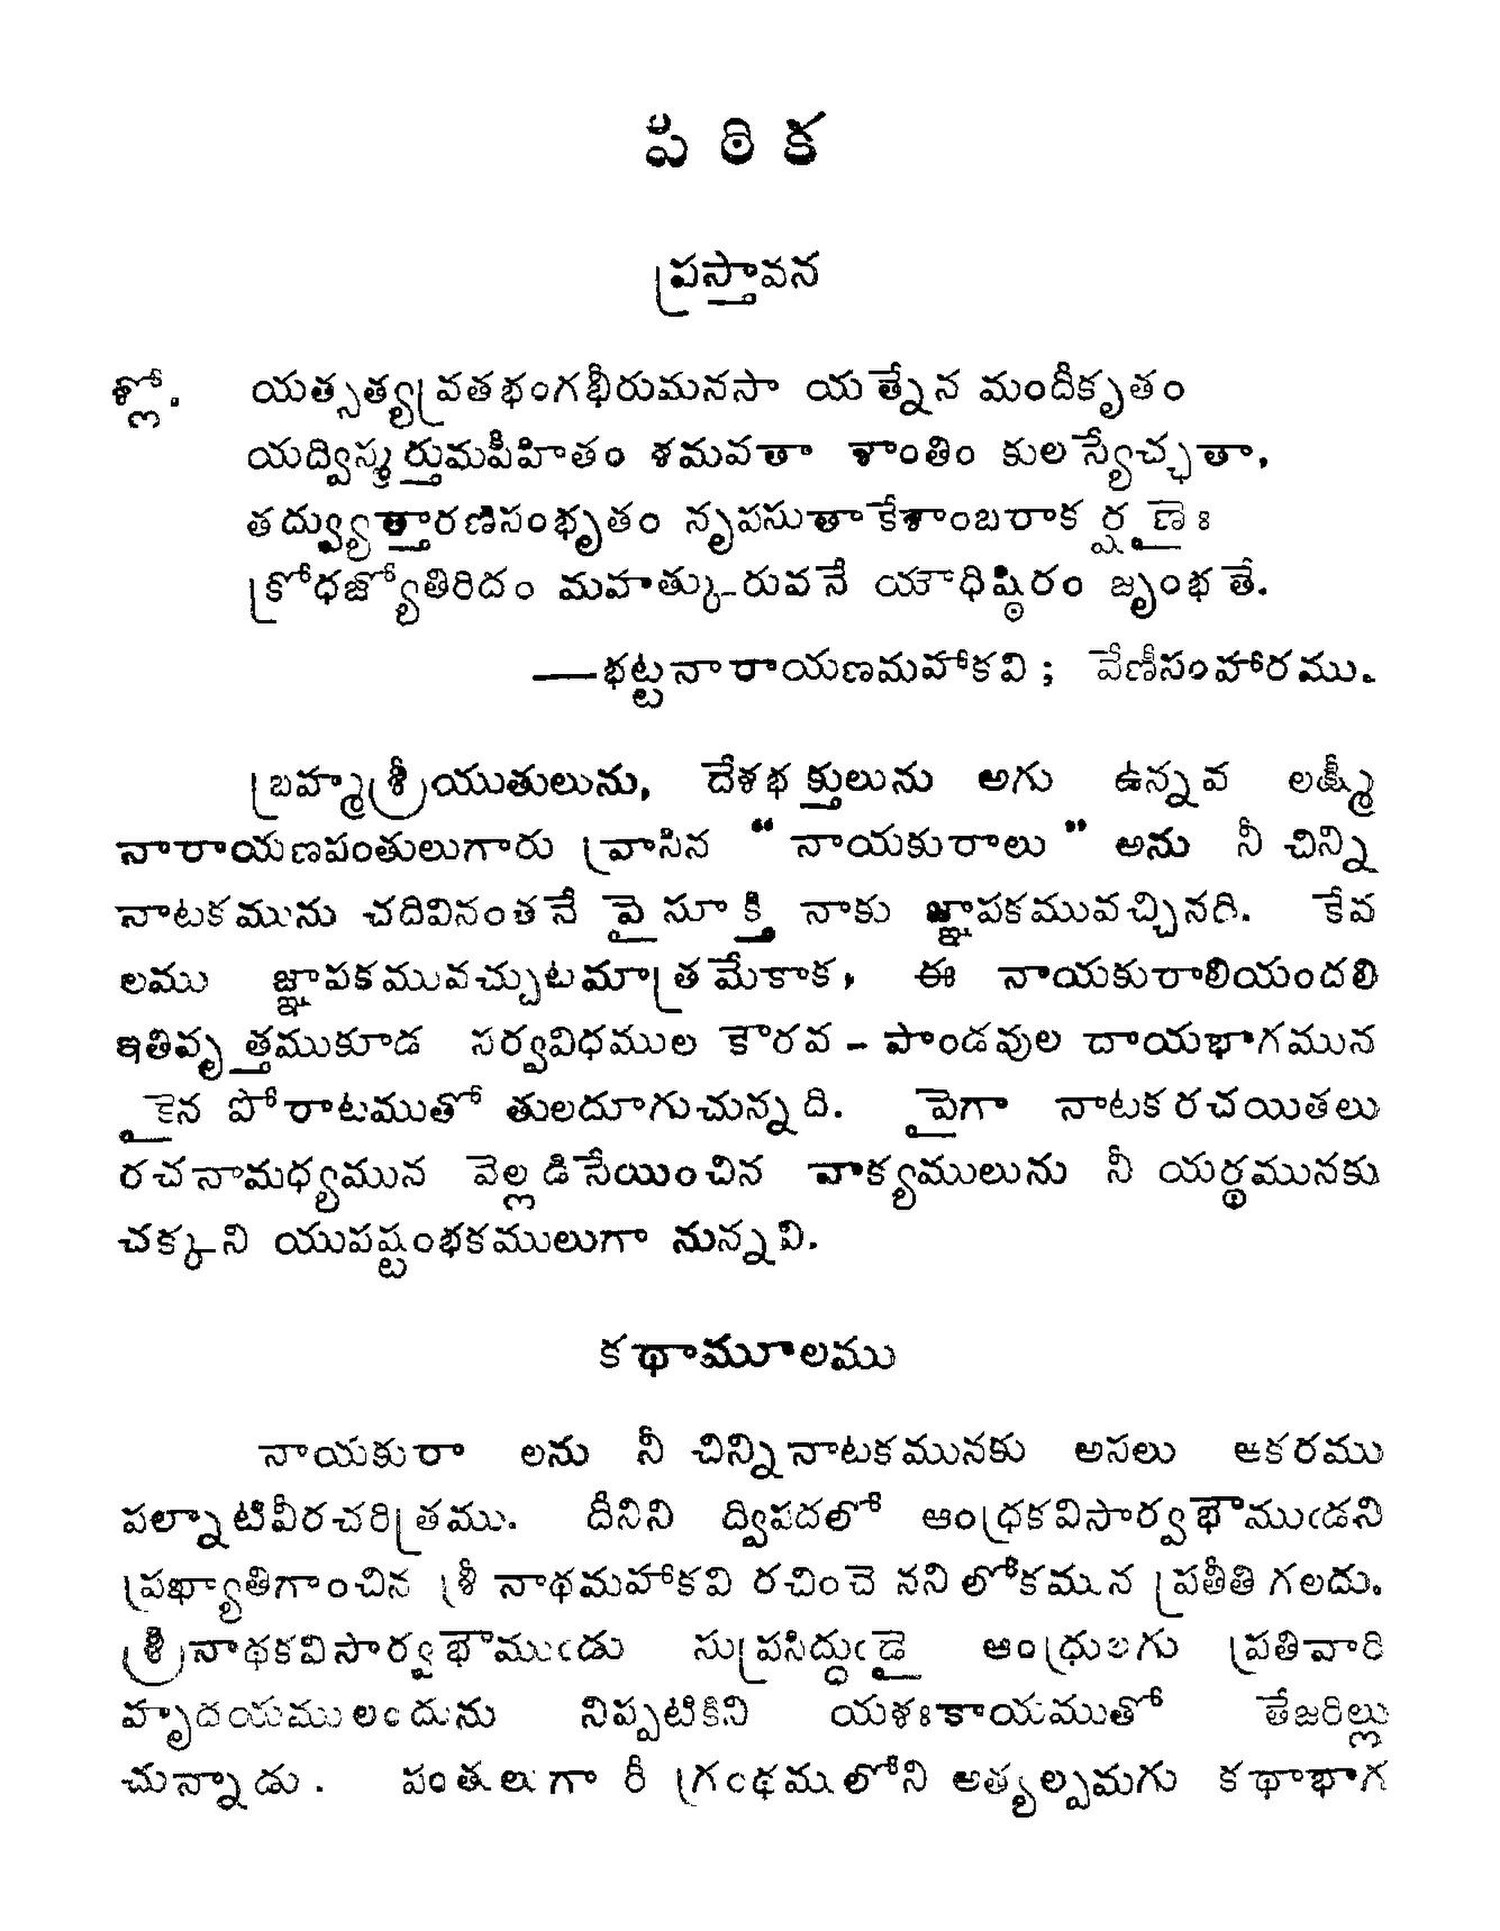పీఠిక

శ్లో. యత్సత్యవ్రతభంగభీరుమనసా యత్నేన మందీకృతం
 యద్విస్మర్తుమపీహితం శమవతా శాంతిం కులస్వేచ్ఛతా,
 తద్వ్యుత్తారణిసంభృతం నృపసుతాకేశాంబరాకర్షణైః
 క్రోధ్రజ్యోతిరిదం మహత్కురువనే యౌధిష్ఠిరం జృంభతే.
 -భట్టనారాయణమహాకవి; వేణీసంహారము.
బ్రహ్మశ్రీయుతులును, దేశభక్తులును అగు ఉన్నవ లక్ష్మీనారాయణపంతులుగారు వ్రాసిన "నాయకురాలు" అను నీ చిన్ని నాటకమును చదివినంతనే పైసూక్తి నాకు జ్ఞాపకమువచ్చినది. కేవలము జ్ఞాపకమువచ్చుటమాత్రమేకాక , ఈ నాయకురాలియందలి ఇతివృత్తముకూడ సర్వవిధముల కౌరవ - పాండవుల దాయభాగమున కైన పోరాటముతో తులదూగుచున్నది. పైగా నాటక రచయితలు రచనామధ్యమున వెల్లడిసేయించిన వాక్యములును నీ యర్థమునకు చక్కని యుపష్టంభకములుగా నున్నవి.

నాయకురా లను నీ చిన్నినాటకమునకు అసలు ఆకరము పల్నాటివీరచరిత్రము. దీనిని ద్విపదలో ఆంధ్రకవిసార్వభౌముఁడని ప్రఖ్యాతిగాంచిన శ్రీ నాథమహాకవి రచించె నని లోకమున ప్రతీతి గలదు.
శ్రీనాథకవిసార్వభౌముఁడు సుప్రసిద్ధుఁడై ఆంధ్రులగు ప్రతివారి హృదయములందును నిప్పటికిని యశఃకాయముతో తేజరిల్లుచున్నాడు . పంతులుగా రీ గ్రంథములోని అత్యల్పమగు కథాభాగ